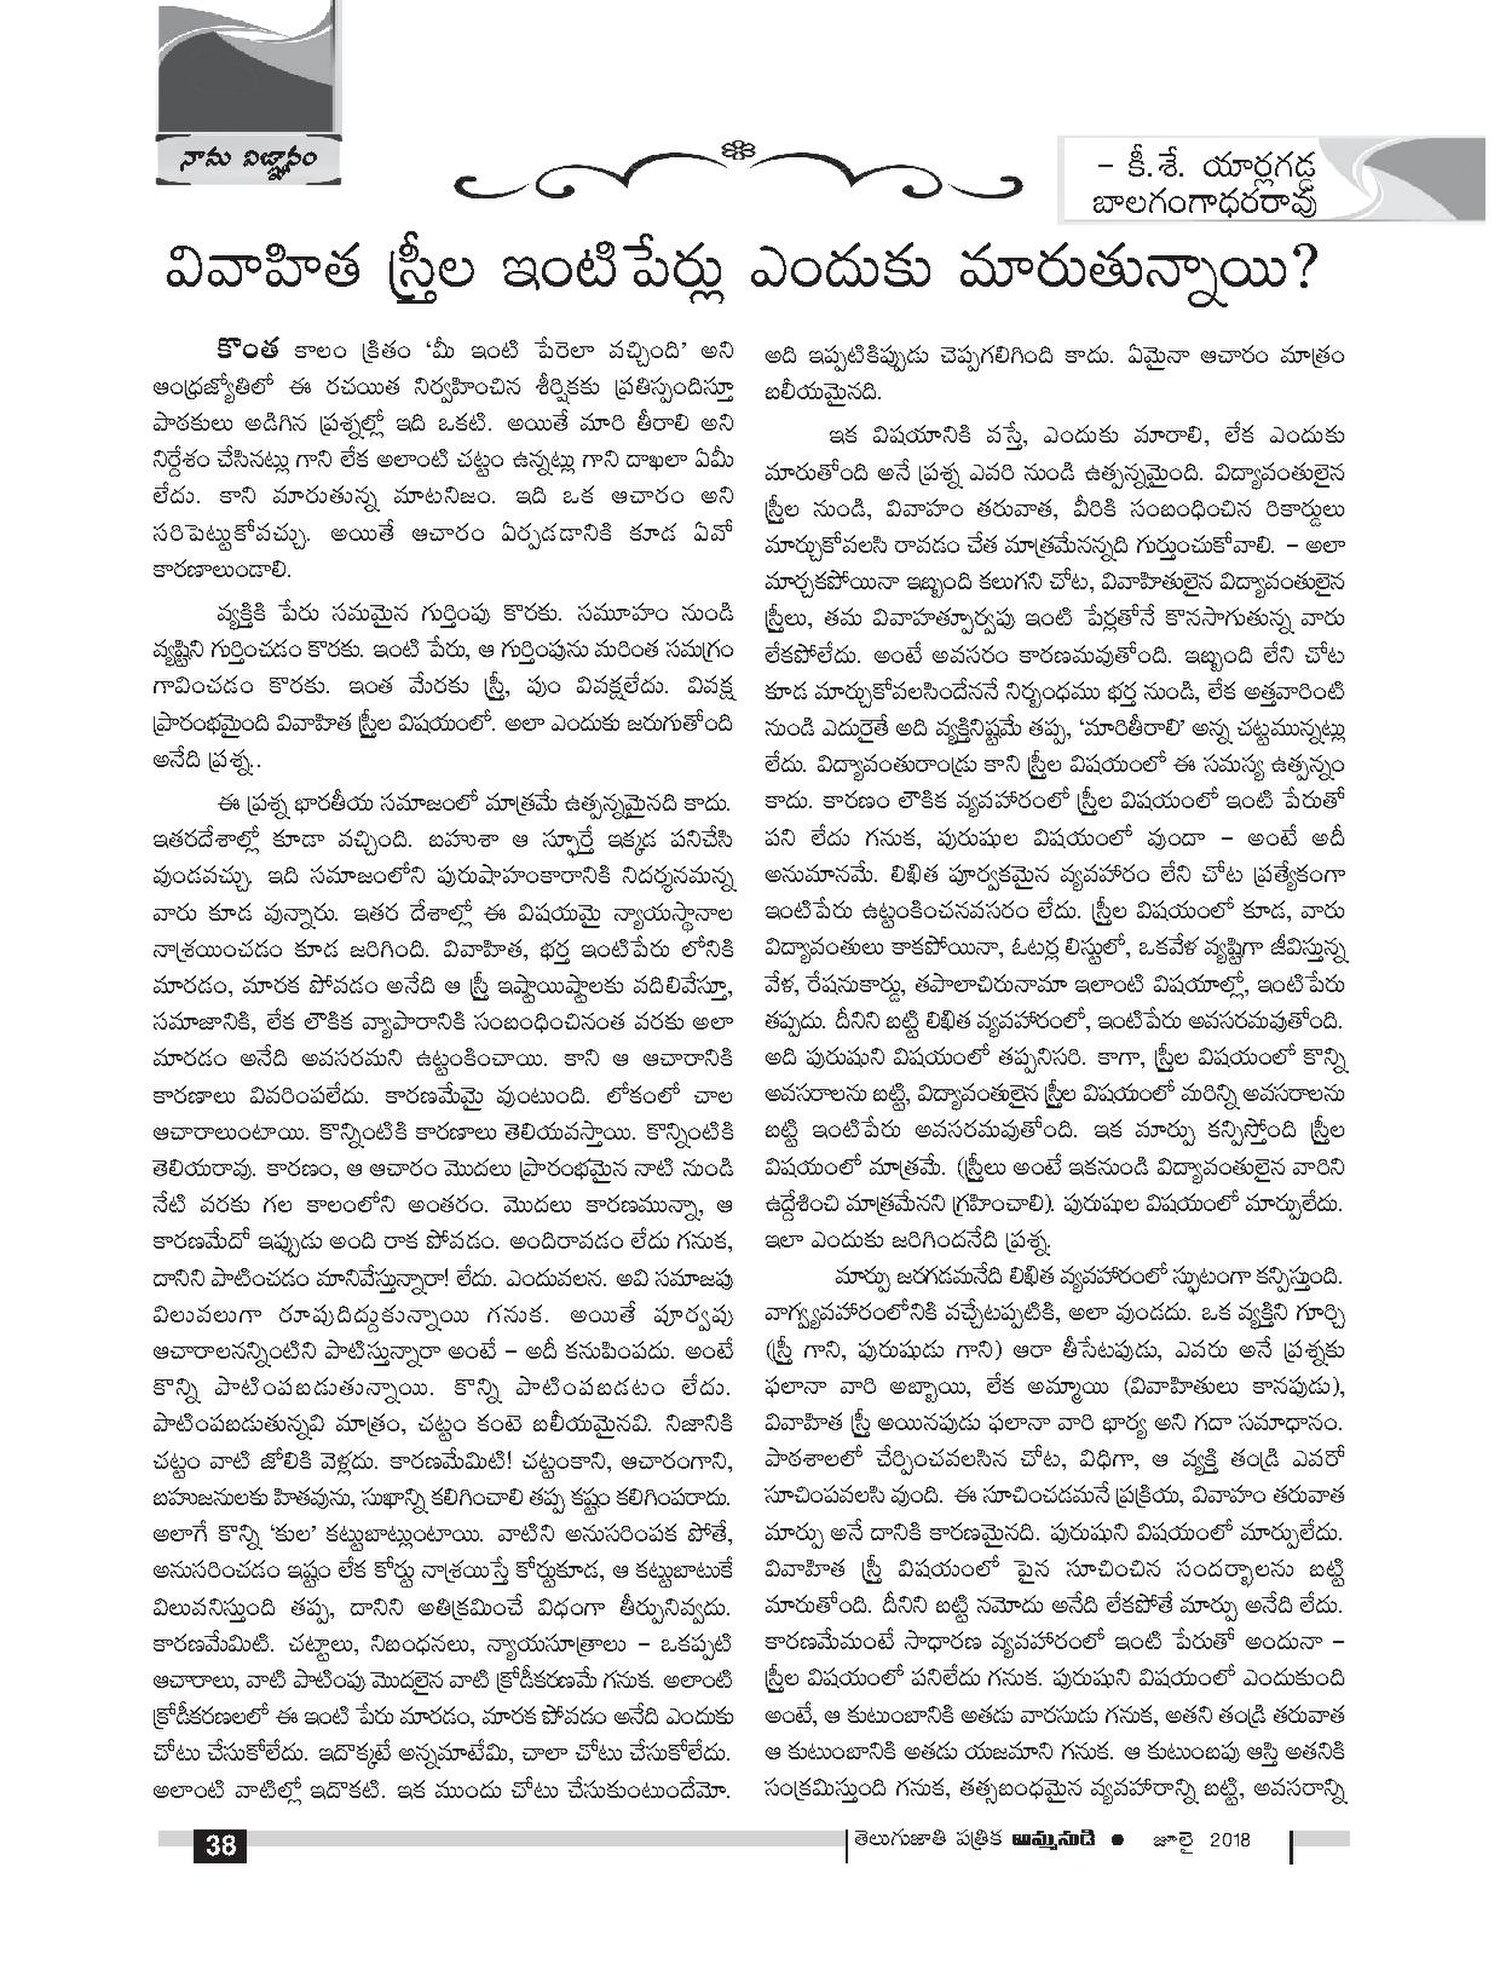వివాహిత స్త్రీల ఇంటిపేర్లు ఎందుకు మారుతున్నాయి?

కొంత కాలం క్రితం “మీ ఇంటి పేరెలా వచ్చింది” అని ఆంధ్రజ్యోతిలో ఈ రచయిత నిర్వహించిన శీర్షికకు ప్రతిస్పందిస్తూ పాఠకులు అడిగిన ప్రశ్నల్లో ఇది ఒకటి. అయితే మారి తీరాలి అని నిర్దేశం చేసినట్లు గాని లేక అలాంటి చట్టం ఉన్నట్లు గాని దాఖలా ఏమీ లేదు. కాని మారుతున్న మాటనిజం. ఇది ఒక ఆచారం అని సరిపెట్టుకోవచ్చు. అయితే ఆచారం ఏర్పడడానికి కూడ ఏవో కారణాలుండాలి.

వ్యక్తికి పేరు సమమైన గుర్తింపు కొరకు. సమూహం నుండి వ్యష్టిని గుర్తించడం కొరకు. ఇంటి పేరు, ఆ గుర్తింపును మరింత సమగ్రం గావించడం కొరకు. ఇంత మేరకు స్త్రీ, పుం వివక్షలేదు. వివక్ష
ప్రారంభమైంది వివాహిత స్త్రీల విషయంలో. అలా ఎందుకు జరుగుతోంది అనేది ప్రశ్న.

ఈ ప్రశ్న భారతీయ సమాజంలో మాత్రమే ఉత్పన్నమైనది కాదు. ఇతరదేశాల్లో కూడా వచ్చింది. బహుశా ఆ స్ఫూర్తే ఇక్కడ పనిచేసి వుండవచ్చు. ఇది సమాజంలోని పురుషాహంకారానికి నిదర్శనమన్న వారు కూడ వున్నారు. ఇతర దేశాల్లో ఈ విషయమై న్యాయస్థానాల నాశ్రయించడం కూడ జరిగింది. వివాహిత, భర్త ఇంటిపేరు లోనికి మారడం, మారక పోవడం అనేది ఆ స్త్రీ ఇష్టాయిష్టాలకు వదిలివేస్తూ,
సమాజానికి, లేక లౌకిక వ్యాపారానికి సంబంధించినంత వరకు అలా మారడం అనేది అవసరమని ఉట్టంకించాయి. కాని ఆ ఆచారానికి కారణాలు వివరింపలేదు. కారణమేమై వుంటుంది. లోకంలో చాల
ఆచారాలుంటాయి. కొన్నింటికి కారణాలు తెలియవస్తాయి. కొన్నింటికి తెలియరావు. కారణం, ఆ ఆచారం మొదలు ప్రారంభమైన నాటి నుండి నేటి వరకు గల కాలంలోని అంతరం. మొదలు కారణమున్నా ఆ కారణమేదో ఇప్పుడు అంది రాక పోవడం. అందిరావడం లేదు గనుక, దానిని పాటించడం మానివేస్తున్నారా! లేదు. ఎందువలన. అవి సమాజపు విలువలుగా రూవుదిద్దుకున్నాయి గనుక. అయితే పూర్వవు ఆచారాలనన్నింటిని పాటిస్తున్నారా అంటే - అదీ కనుపింపదు. అంటే
కొన్ని పాటింపబడుతున్నాయి. కొన్ని పాటింపబడటం లేదు. పాటింపబడుతున్నవి మాత్రం, చట్టం కంటె బలీయమైనవి. నిజానికి చట్టం వాటి జోలికి వెళ్లదు. కారణమేమిటి! చట్టంకాని, ఆచారంగాని,
బహుజనులకు హితవును, సుఖాన్ని కలిగించాలి తప్ప కష్టం కలిగింపరాదు. అలాగే కొన్ని 'కుల' కట్టుబాట్లుంటాయి. వాటిని అనుసరింపక పోతే, అనుసరించడం ఇష్టం లేక కోర్టు నాశ్రయిస్తే కోర్టుకూడ, ఆ కట్టుబాటుకే విలువనిస్తుంది తప్ప, దానిని అతిక్రమించే విధంగా తీర్పునివ్వదు. కారణమేమిటి. చట్టాలు, నిబంధనలు, న్యాయసూత్రాలు - ఒకప్పటి ఆచారాలు, వాటి పాటింపు మొదలైన వాటి క్రోడీకరణమే గనుక. అలాంటి క్రోడీకరణలలో ఈ ఇంటి పేరు మారడం, మారక పోవడం అనేది ఎందుకు
చోటు చేసుకోలేదు. ఇదొక్కటే అన్నమాటేమి, చాలా చోటు చేసుకోలేదు. అలాంటి వాటిల్లో ఇదొకటి. ఇక ముందు చోటు చేసుకుంటుందేమో. అది ఇప్పటికిప్పుడు చెప్పగలిగింది కాదు. ఏమైనా ఆచారం మాత్రం బలీయమైనది.

ఇక విషయానికి వస్తే, ఎందుకు మారాలి, లేక ఎందుకు మారుతోంది అనే ప్రశ్న ఎవరి నుండి ఉత్పన్నమైంది. విద్యావంతులైన స్త్రీల నుండి, వివాహం తరువాత, వీరికి సంబంధించిన రికార్డులు
మార్చుకోవలసి రావడం చేత మాత్రమేనన్నది గుర్తుంచుకోవాలి. - అలా మార్చకపోయినా ఇబ్బంది కలుగని చోట, వివాహితులైన విద్యావంతులైన స్త్రీలు, తమ వివాహత్పూర్వపు ఇంటి పేర్లతోనే కొనసాగుతున్న వారు లేకపోలేదు. అంటే అవసరం కారణమవుతోంది. ఇబ్బంది లేని చోట కూడ మార్చుకోవలసిందేననే నిర్బంధము భర్త నుండి, లేక అత్తవారింటి నుండి ఎదురైతే అది వ్యక్తినిష్టమే తప్ప, 'మారితీరాలి' అన్న చట్టమున్నట్లు లేదు. విద్యావంతురాండ్రు కాని స్త్రీల విషయంలో ఈ సమస్య ఉత్పన్నం కాదు. కారణం లౌకిక వ్యవహారంలో స్త్రీల విషయంలో ఇంటి పేరుతో పని లేదు గనుక, పురుషుల విషయంలో వుందా - అంటే అదీ అనుమానమే. లిఖిత పూర్వకమైన వ్యవహారం లేని చోట ప్రత్యేకంగా ఇంటిపేరు ఉట్టంకించనవసరం లేదు. స్త్రీల విషయంలో కూడ, వారు విద్యావంతులు కాకపోయినా, ఓటర్ల లిస్టులో, ఒకవేళ వ్యష్టిగా జీవిస్తున్న వేళ, రేషనుకార్డు, తపాలాచిరునామా ఇలాంటి విషయాల్లో, ఇంటిపేరు తప్పదు. దీనిని బట్టి లిఖిత వ్యవహారంలో, ఇంటిపేరు అవసరమవుతోంది.
అది పురుషుని విషయంలో తప్పనిసరి. కాగా, స్త్రీల విషయంలో కొన్ని అవసరాలను బట్టి, విద్యావంతులైన స్త్రీల విషయంలో మరిన్ని అవసరాలను బట్టి ఇంటిపేరు అవసరమవుతోంది. ఇక మార్పు కన్పిస్తోంది స్రీల విషయంలో మాత్రమే. (స్త్రీలు అంటే ఇకనుండి విద్యావంతులైన వారిని
ఉద్దేశించి మాత్రమేనని గ్రహించాలి). పురుషుల విషయంలో మార్పులేదు. ఇలా ఎందుకు జరిగిందనేది ప్రశ్న

మార్పు జరగడమనేది లిఖిత వ్యవహారంలో స్ఫుటంగా కన్పిస్తుంది. వాగ్వ్యవహారంలోనికి వచ్చేటప్పటికి, అలా వుండదు. ఒక వ్యక్తిని గూర్చి (స్త్రీ గాని, పురుషుడు గాని) ఆరా తీసేటపుడు, ఎవరు అనే ప్రశ్నకు
ఫలానా వారి అబ్బాయి, లేక అమ్మాయి (వివాహితులు కానపుడు), వివాహిత స్త్రీ అయినపుడు ఫలానా వారి భార్య అని గదా సమాధానం. పాఠశాలలో చేర్చించవలసిన చోట, విధిగా, ఆ వ్యక్తి తండ్రి ఎవరో
సూచింపవలసి వుంది. ఈ సూచించడమనే ప్రక్రియ, వివాహం తరువాత మార్చు అనే దానికి కారణమైనది. పురుషుని విషయంలో మార్పులేదు. వివాహిత స్త్రీ విషయంలో పైన సూచించిన సందర్భాలను బట్టి మారుతోంది. దీనిని బట్టి నమోదు అనేది లేకపోతే మార్పు అనేది లేదు.
కారణమేమంటే సాధారణ వ్యవహారంలో ఇంటి పేరుతో అందునా - స్త్రీల విషయంలో పనిలేదు గనుక. పురుషుని విషయంలో ఎందుకుంది అంటే, ఆ కుటుంబానికి అతడు వారసుడు గనుక, అతని తండ్రి తరువాత ఆ కుటుంబానికి అతడు యజమాని గనుక. ఆ కుటుంబపు ఆస్తి అతనికి సంక్రమిస్తుంది గనుక, తత్సబంధమైన వ్యవహారాన్ని బట్టి, అవసరాన్ని